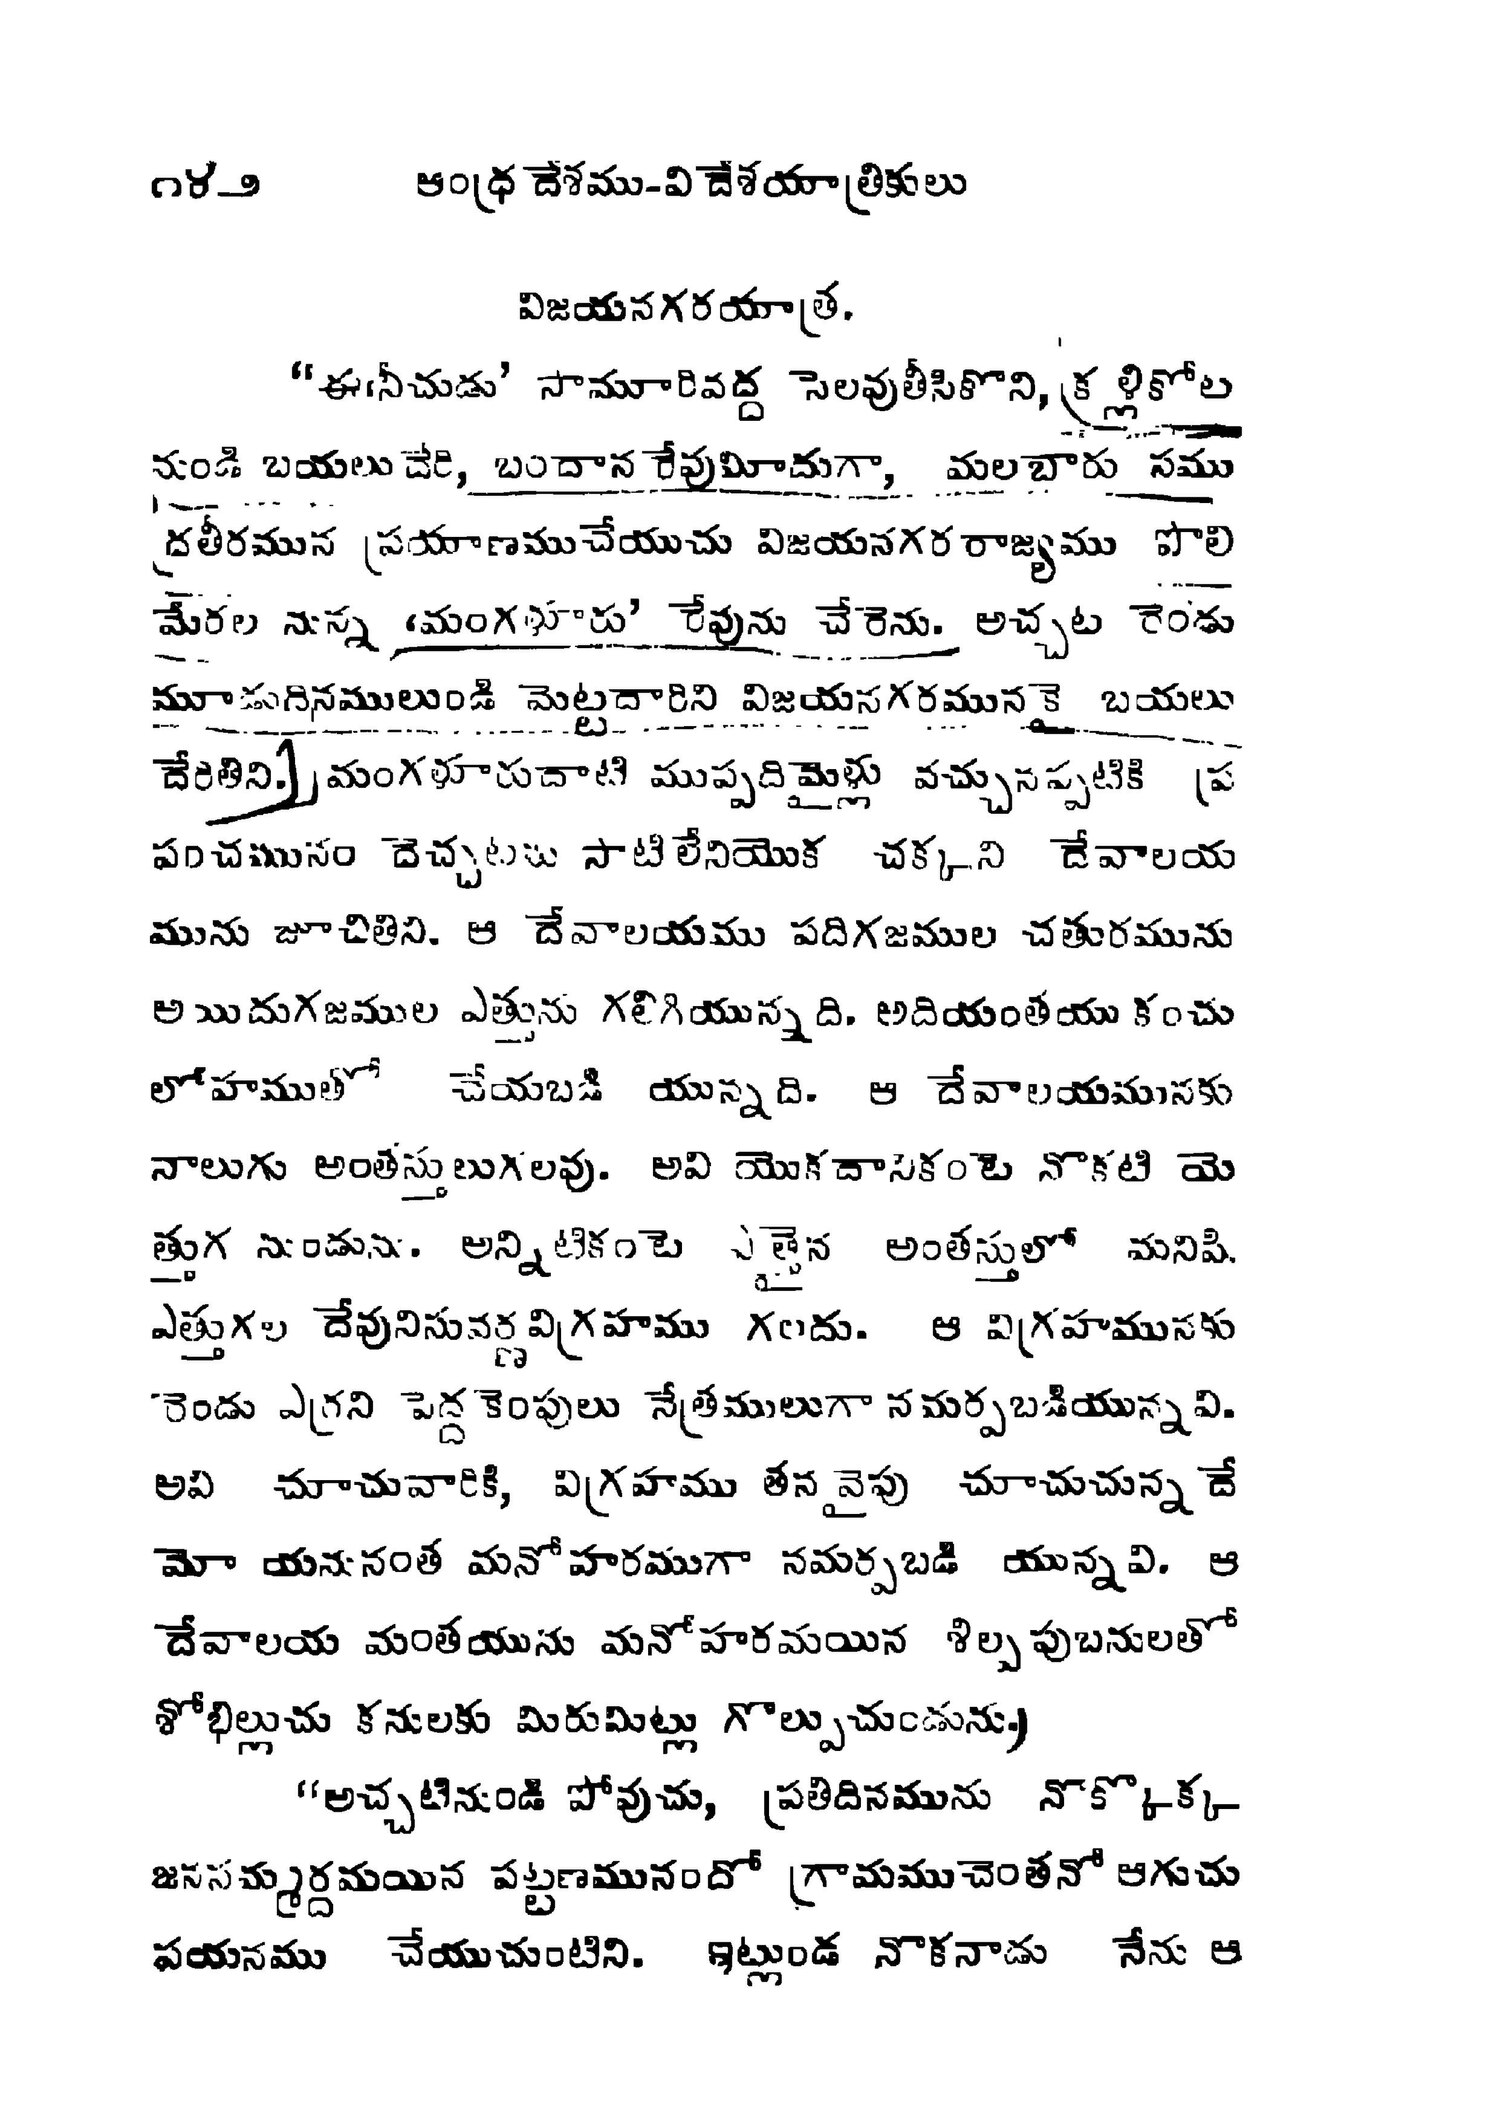"ఈనీచుడు" సామూరివద్ద సెలవుతీసికొని, కళ్లికోట నుండి బయలుదేరి, బందాన రేవుమీదుగా, మలబారు సముద్రతీరమున ప్రయాణము చేయుచు విజయనగర రాజ్యము పొలిమేరల నున్న 'మంగళూరు' రేవును చేరెను. అచ్చట రెండు మూడు దినములుండి మెట్టదారిని విజయనగరమునకై బయలుదేరితిని. మంగళూరు దాటి ముప్పదిమైళ్లు వచ్చునప్పటికి ప్రపంచమునం దెచ్చటను సాటిలేని యొక చక్కని దేవాలయమును జూచితిని. ఆ దేవాలయము పదిగజముల చతురమును అయిదుగజముల ఎత్తును గలిగియున్నది. అదియంతయు కంచులోహముతో చేయబడి యున్నది. ఆ దేవాలయమునకు నాలుగు అంతస్తులుగలవు. అవి యొకదానికంటె నొకటి యెత్తుగ నుండును. అన్నిటికంటె ఎత్తైన అంతస్తులో మనిషి ఎత్తుగల దేవునిసువర్ణవిగ్రహము గలదు. ఆ విగ్రహమునకు రెండు ఎర్రని పెద్ద కెంపులు నేత్రములుగా నమర్పబడి యున్నవి. అవి చూచువారికి, విగ్రహము తనవైపు చూచు చున్నదేమో యనునంత మనోహరముగా నమర్పబడి యున్నవి. ఆ దేవాలయ మంతయును మనోహరమయిన శిల్పపుబనులతో శోభిల్లుచు కనులకు మిరుమిట్లు గొల్పుచుండును.

"అచ్చటి నుండి పోవుచు, ప్రతిదినమును నొక్కొక్క జన సమ్మర్దమయిన పట్టణమునందో గ్రామము చెంతనో ఆగుచు పయనము చేయు చుంటిని. ఇట్లుండ నొకనాడు నేను ఆ